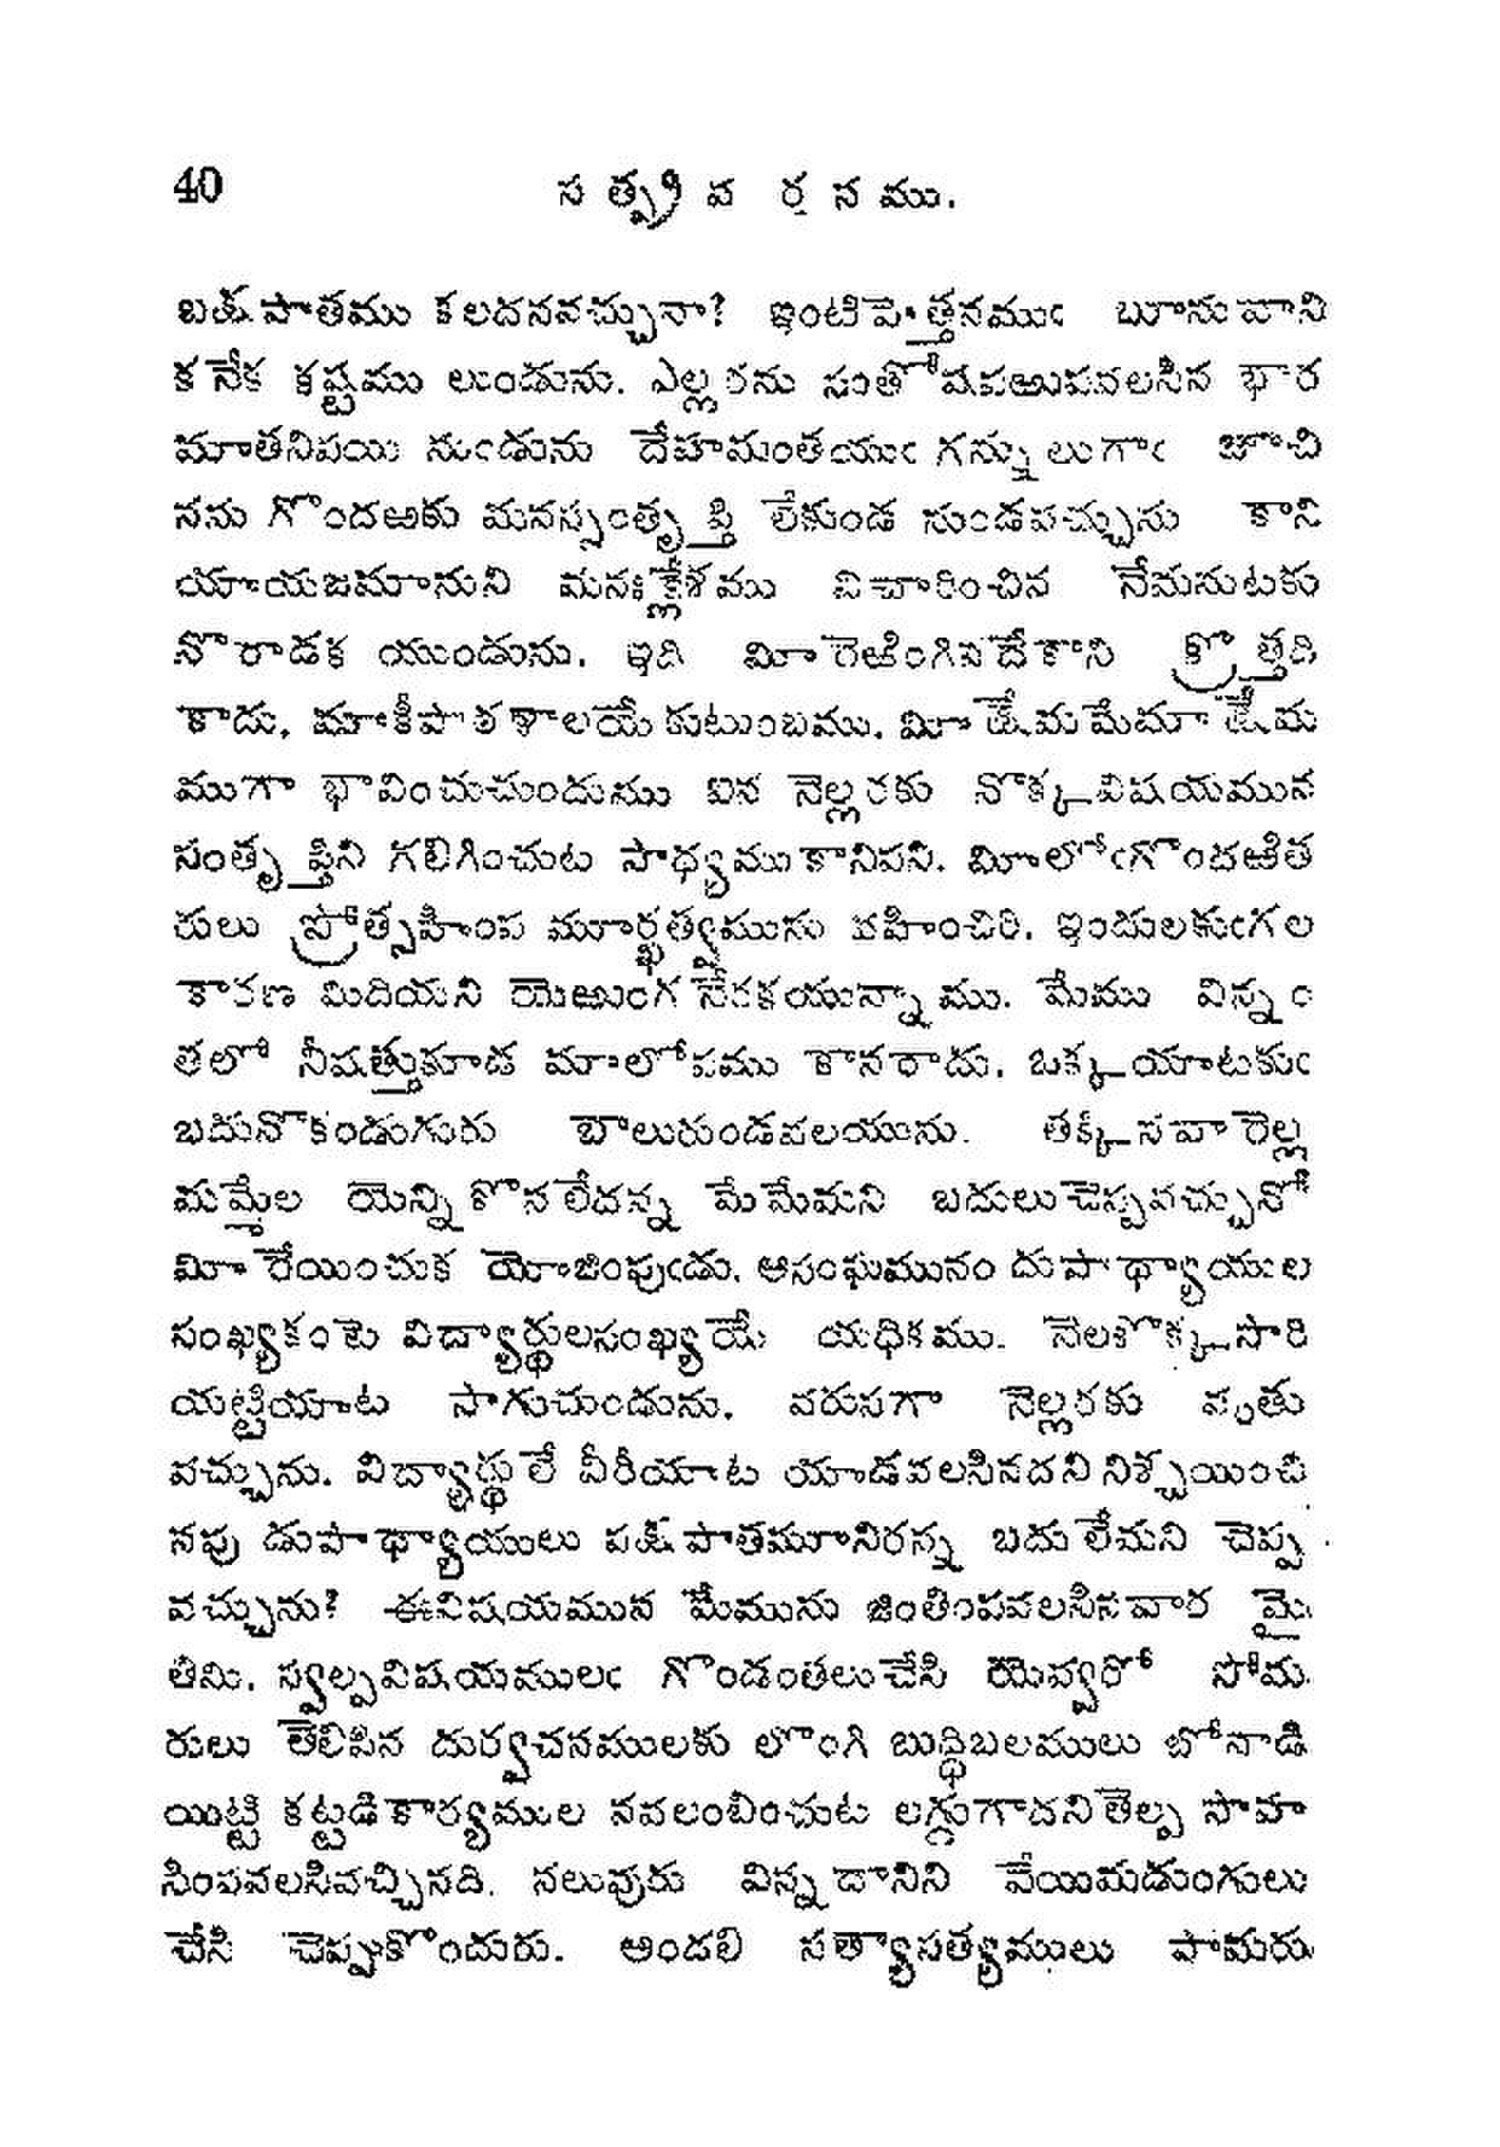బక్ష పాతము కలదనవచ్చునా? ఇంటి పెత్తనముఁ బూను వాని కనేక కష్టము లుండును. ఎల్లరను సంతోషపఱు వలసిన భార మాతనిపయి నుండును. దేహమంతయుఁ గనులుగాఁ జూచి నను గొందఱకు మనస్సంతృప్తి లేకుండ సుండవచ్చును. కాని యా యజమానుని మనః క్షేమము విచారించిన 'నేమనుటకు నోరాడక యుండును. ఇది మీరెఱింగిన దేకాని కోత్తది, కాదు, మాకీపాఠశాలయే కుటుంబము. మీక్షేమమేమాక్షే మముగా భావించుచుందుము. ఐన నెల్లరకు కొక్క విషయమున సంతృప్తిని గలిగించుట సాధ్యము కానిపని. మీలోఁ గొందరితరులు ప్రోత్సహింప మూర్కత్వమును వహించిరి. ఇందులకుఁగల కారణ మిదియని యెఱుంగ నేరకయున్నాము. మేము విన్నంతలో నీషతుకూడ మాలోపము కానరాదు. ఒక్క యాటకుఁ బదునొకండుగురు బాలురుండవలయును. తక్కిసవారెల్ల మమ్మేల యెన్ని కొన లేదన్న మేమేమని బదులు చెప్పవచ్చునో మీరేయించుక యోజింపుఁడు, ఆ సంఘమునం దు'పాధ్యాయులు సంఖ్యకంటే విద్యార్థుల సంఖ్యయే యధికము. 'నెలకొక్కసారి యట్టియాట సాగుచుండును. వరుసగా నెల్లరకు వంతు వచ్చును. విద్యార్థులే వీరియాట యాడవలసినదని నిశ్చయించి నపుడుపాధ్యాయులు పక్షపాతమూ నిరన్న బదు లేమని చెప్పువచ్చును? ఈ విషయమున 'మేమును జింతింపవలసిన వార మై తిమి. స్వల్ప విషయములఁ గొండంతలు చేసి యెవ్యరో సోమరులు తెలిసిన దుర్వచనములకు లొంగి బుద్ధిబలములు బోనాడి యిట్టి కట్టడి కార్యముల నవలంబించుట లగ్గు గాదని తెల్ప 'సాహ సింపవలసివచ్చినది. నలువురు విన్న దానిని వేయిమడుంగులు చేసి చెప్పుకొందురు. అందలి సత్యాసత్యములు పామరు.